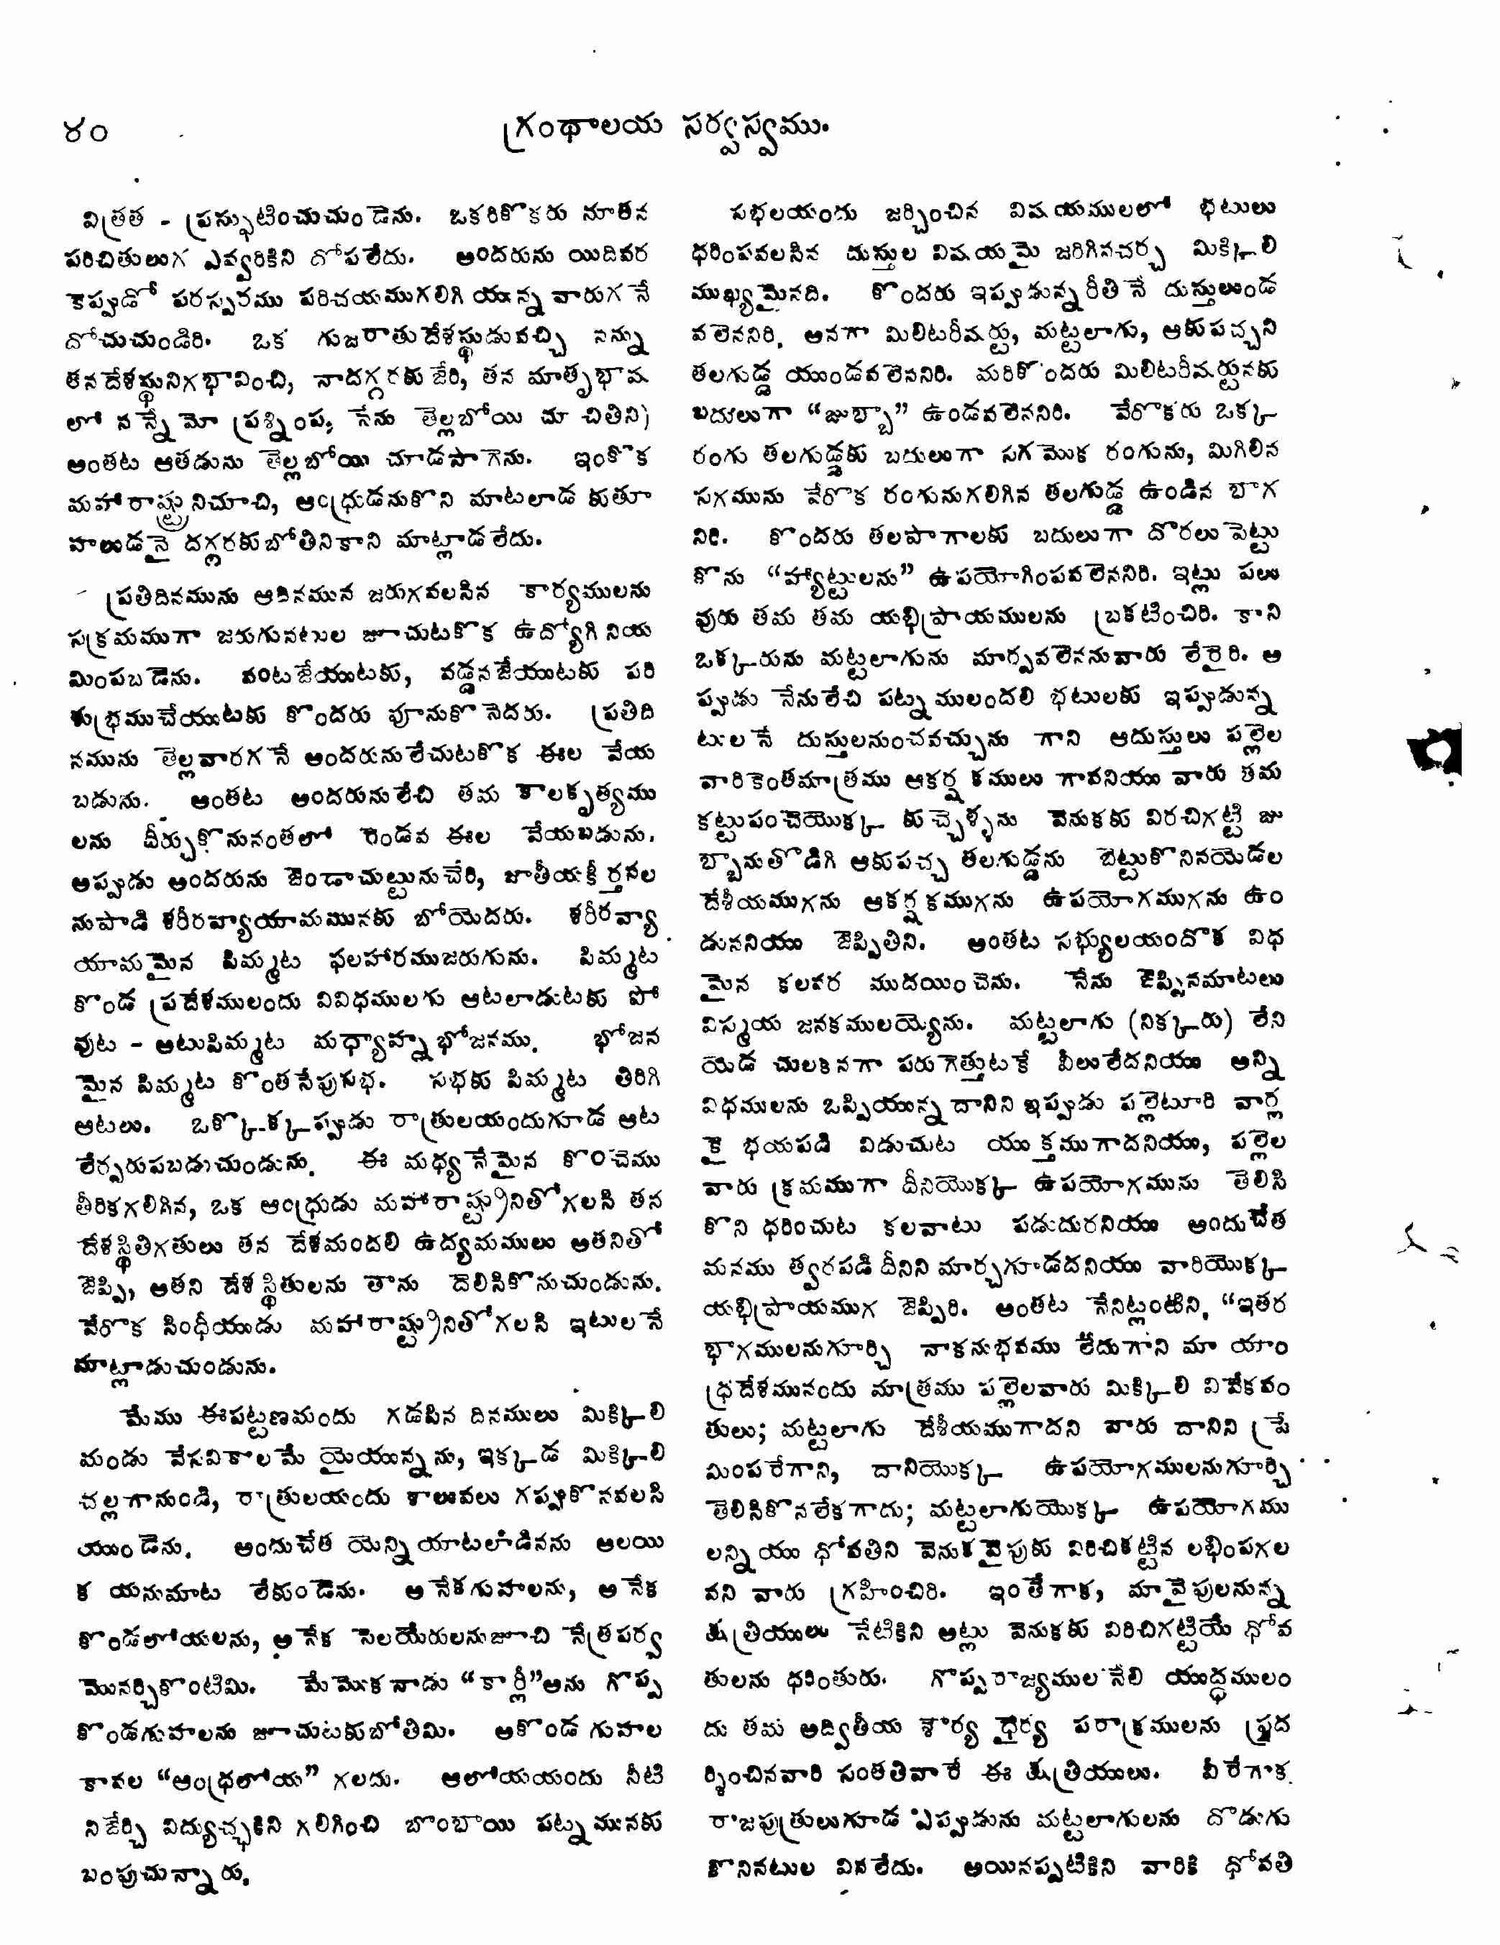విత్రత - ప్రస్ఫుటించుచుండెను. ఒకరికొకరు నూతన పరిచితులుగ ఎవ్వరికిని దోపలేదు. అందరును యిదివర కెప్పుడో పరస్పరము పరిచయము గలిగి యున్నవారుగనే దోచుచుండిరి. ఒక గుజరాతు దేశస్థుడువచ్చి నన్ను తన దేశస్థునిగా భావించి, నాదగ్గరకు జేరి, తన మాతృభాషలో నన్నేమో ప్రశ్నింప నేను (తెల్లబోయి చూచితిని) అంతట అతడును తెల్లబోయి చూడసాగెను. ఇంకొక మహారాష్ట్రునిచూచి, ఆంధ్రుడనుకొని మాటలాడ కుతూహలుడనై దగ్గరకుబోతిని కాని మాట్లాడలేదు.

ప్రతిదినమును ఆదినమున జరుగవలసిన కార్యములను సక్రమముగా జరుగునటుల జూచుటకొక ఉద్యోగి నియమింపబడెను. వంట
జేయుటకు, వడ్డన జేయుటకు పరిభ్రముచేయుటకు కొందరు పూనుకొనెదరు. ప్రతిదినమును తెల్లవారగనే అందరును లేచుటకొక ఈల వేయబడును. అంతట అందరును లేచి తమ కాలకృత్యములను తీర్చుకొనునంతలో రెండవ ఈల వేయబడును. అప్పుడు అందరును జెండా చుట్టును చేరి, జాతీయకీర్తనలును పాడి శరీరవ్యాయామమునకు బోయెదరు. శరీర వ్యాయామమైన పిమ్మట ఫలహారము జరుగును. పిమ్మట కొండ ప్రదేశములందు వివిధములగు ఆటలాడుటకు పోవుట - అటుపిమ్మట మధ్యాహ్న భోజనము. భోజనమైన పిమ్మట కొంత సేపు సభ. సభకు పిమ్మట తిరిగి ఆటలు. ఒక్కొక్కప్పుడు రాత్రులయందు గూడ ఆట లేర్పరుపబడుచుండును. ఈ మధ్యనేమైన కొంచెము తీరికగలిగిన, ఒక ఆంధ్రుడు మహారాష్ట్రునితో గలసి తన దేశస్థితిగతులు తన దేశమందలి ఉద్యమములు అతనితో జెప్పి, అతని దేశ స్థితులను తాను దెలిసికొనుచుండును. వేరొక సింధీయుడు మహారాష్ట్రునితో గలసి ఇటులనే మాట్లాడుచుండును.

మేము ఈపట్టణమందు గడపిన దినములు మిక్కిలి మండు వేసవికాలమే యైయున్నను, ఇక్కడ మిక్కిలి చల్లగానుండి, రాత్రులయందు శాలువలు గప్పుకోనవలసిలు యుండెను. అందుచేత యెన్ని యాటలాడినను ఆలయిక యనుమాట లేకుండెను. అనేకగుహలను, అనేక
కొండలోయలను, అనేక సెలయేరులను జూచి నేత్ర పర్వమొనర్చికొంటిమి. మేమొక నాడు “కార్లీ” అను గొప్ప కొండగుహలను జూచుటకు బోతిమి . అకొండ గుహల కావల “ఆంధ్రలోయ" గలదు. ఆలోయయందు నీటినిజేర్చి విద్యుచ్ఛక్తిని గెలిగించి బొంబాయి పట్నమునకు
బంపుచున్నారు.

సభలయందు జర్చించిన విషయములలో భటులు ధరింపవలసిన దుస్తుల విషయమై జరిగిన చర్చ మిక్కిలి ముఖ్యమైనది. కొందరు ఇప్పుడున్న రీతినే దుస్తులుండవలెననిరి, అనగా మిలిటరీషర్టు, మట్టలాగు, ఆకుపచ్చని తలగుడ్డ యుండవలెననిరి. మరికొందరు మిలిటరీషర్టునకు బదులుగా “జుబ్బా” ఉండవలెననిరి. రంగు తలగుడ్డకు బదులంగా సగమొక రంగును, మిగిలిన సగమును వేరొక రంగును గలిగిన తలగుడ్డ ఉండిన బాగనిరి. వేరొకరు ఒక్కకొందరు తలపాగాలకు బదులుగా దొరలు పెట్టు కొను “హ్యాట్టులను” ఉపయోగింపవలెననిరి. ఇట్లు పలువురు తమ తమ యభిప్రాయములను బ్రకటించిరి. కాని ఒక్కరును మట్టలాగును మార్పవలెనను వారు లేరైరి. ఆప్పుడు నేను లేచి పట్నములందలి భటులకు ఇప్పుడున్నటులనే దుస్తులనుంచవచ్చును గాని ఆదుస్తులు పల్లెల వారికెంత మాత్రము ఆకర్షకములు గావనియు వారు తమ కట్టుపంచెయొక్క కచ్చెళ్ళను వెనుకకు విరచిగట్టి జుబ్బాను తొడిగి ఆకుపచ్చ తలగుడ్డను బెట్టుకొనినయెడల దేశీయముగను ఆకర్షకముగను ఉపయోగముగను ఉందుననియు జెప్పితిని. అంతట సభ్యులయందొక విధమైన కలవర ముదయించెను. నేను జెప్పినమాటలు విస్మయ జనకములయ్యెను. మట్టలాగు (నిక్కరు) లేనియెడ చులకనగా పరుగెత్తుటకే వీలు లేదనియు అన్ని విధములను ఒప్పియున్న దానిని ఇప్పుడు పల్లెటూరి వార్లకై భయపడి విడుచుట యుక్తము గాదనియు, పల్లెల వారు క్రమముగా దీనియొక్క ఉపయోగమును తెలిసికొని ధరించుట కలవాటు పడుదురనియు అందుచేత మనము త్వరపడి దీనిని మార్చ గూడదనియు వారియొక్క యభిప్రాయముగ జెప్పిరి. అంతట నేనిట్లంటిని, “ఇతర భాగములనుగూర్చి నాకనుభవము లేదుగాని 
మా యాంధ్రదేశమునందు మాత్రము పల్లెలవారు మిక్కిలి వివేకవంతులు; మట్టలాగు దేశీయముగాదని వారు దానిని ప్రేమింపరేగాని, దానియొక్క ఉపయోగములనుగూర్చి తెలిసికొనలేక గాదు; మట్టలాగు యొక్క ఉపయోగము లన్నియు ధోవతిని వెనుక వైపుకు విరిచికట్టిన లభింపగలవని వారు గ్రహించిరి. ఇంతేగాక, మా వైపులనున్న క్షత్రియులు నేటికిని అట్లు వెనుకకు విరిచినట్టియే ధోవతులను ధరింతురు. గొప్ప రాజ్యములనేలి యుద్ధములందు తమ అద్వితీయ శౌర్య ధైర్యపరాక్రములను ప్రదర్శించినవారి సంతతివారే ఈ క్షత్రియులు. వీరేగాక
రాజపుత్రులు గూడ ఎప్పుడును మట్టలాగులను దొడుగు కొనినటుల వినలేదు. అయినప్పటికిని వారికి ధోవతి